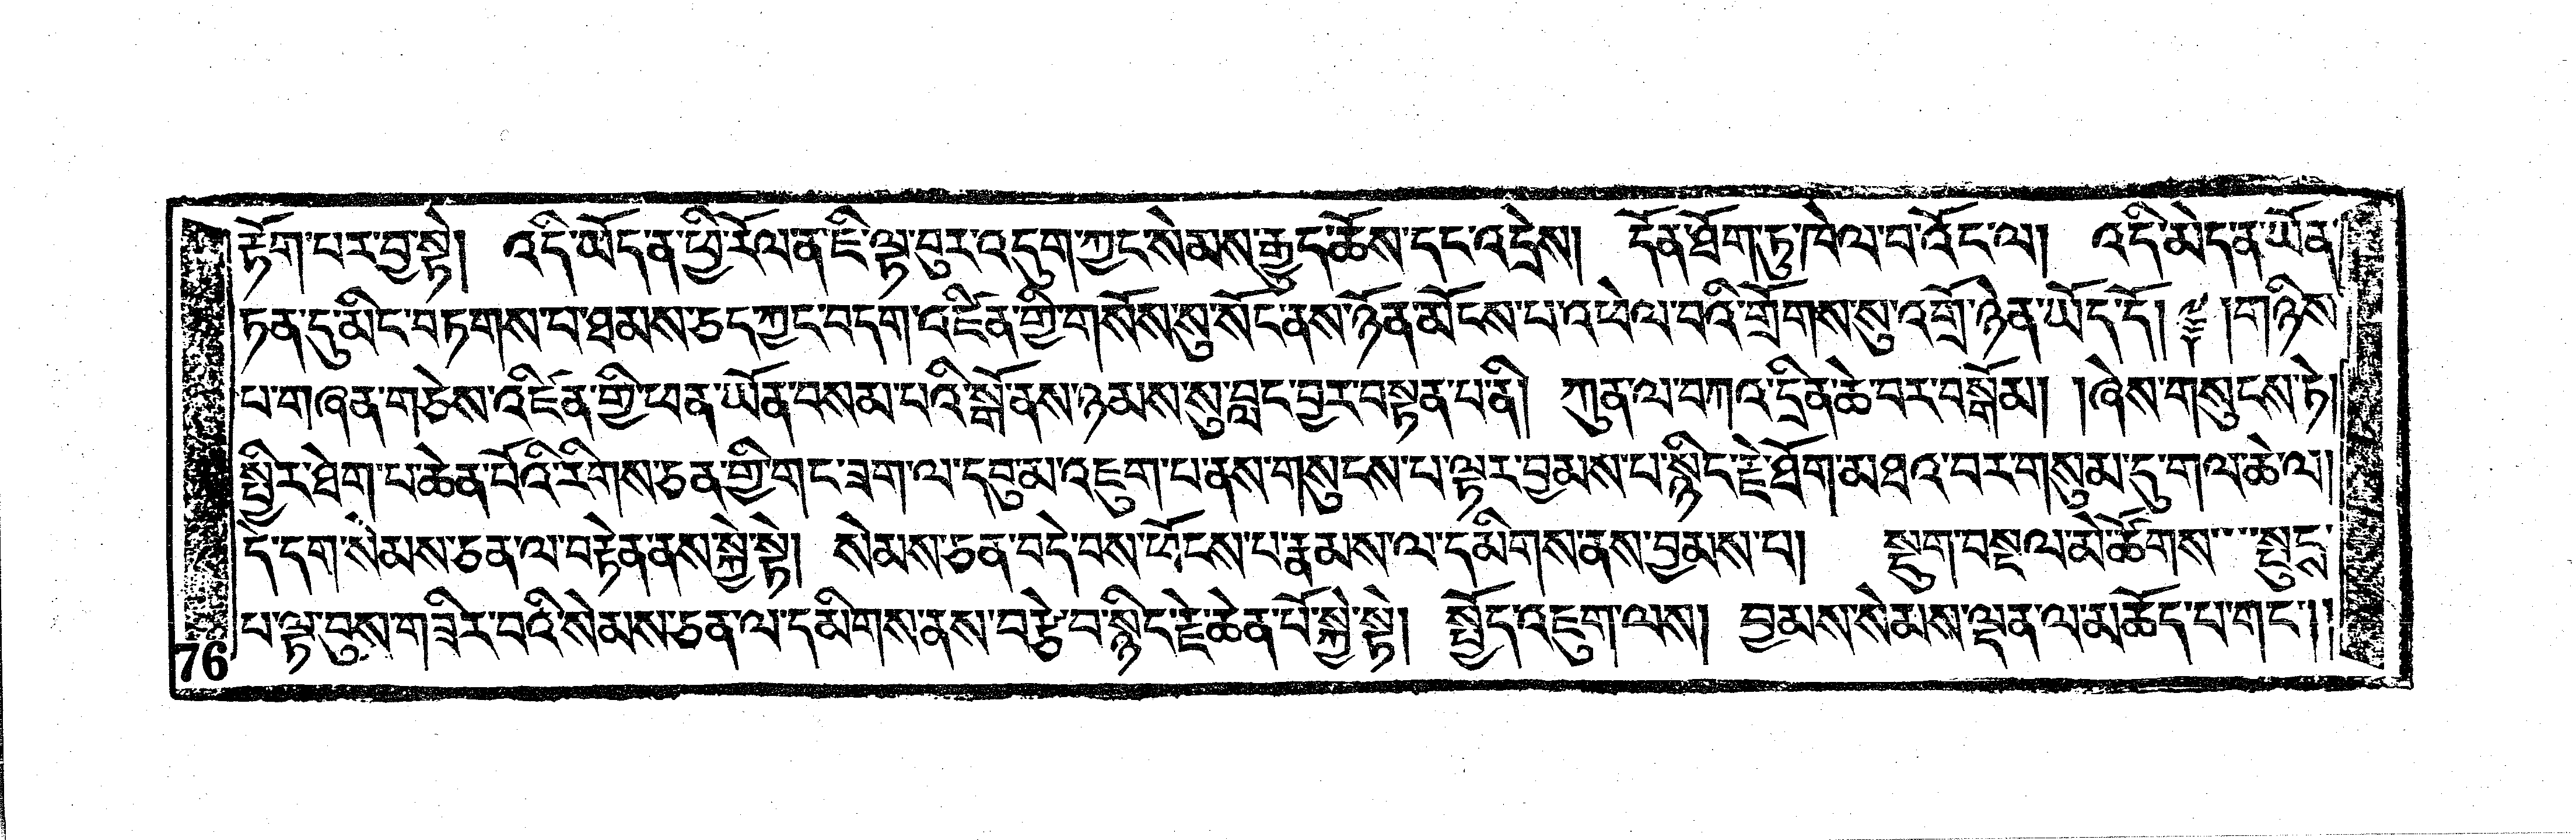རྟོག་པར་བྱ་སྟེ། འདི་ཡོད་ན་ཕྱི་རོལ་ན་ཇི་ལྟ་བུར་འདུག་ཀྱང་སེམས་རྒྱུད་ཆོས་དང་འདྲེས། དོན་ཐོག་ཏུ་ཁེལ་བ་འོང་ལ། འདི་མེད་ན་ཡོན་
ཏན་དུ་མིང་བཏགས་པ་ཐམས་ཅད་ཀྱང་བདག་འཛིན་གྱི་གསོས་སུ་སོང་ནས་ཉོན་མོངས་པ་འཕེལ་བའི་གྲོགས་སུ་འགྲོ་ཉེན་ཡོད་དོ། ༈ །གཉིས་
པ་གཞན་གཅེས་འཛིན་གྱི་ཕན་ཡོན་བསམ་པའི་སྒོ་ནས་ཉམས་སུ་བླང་བྱར་བསྟན་པ་ནི། ཀུན་ལ་བཀའ་དྲིན་ཆེ་བར་བསྒོམ། །ཞེས་གསུངས་ཏེ།
སྤྱིར་ཐེག་པ་ཆེན་པོའི་རིགས་ཅན་གྱི་གང་ཟག་ལ་དབུ་མ་འཇུག་པ་ནས་གསུངས་པ་ལྟར་བྱམས་པ་སྙིང་རྗེ་ཐོག་མཐའ་བར་གསུམ་དུ་གལ་ཆེ་ལ།
དེ་དག་སེམས་ཅན་ལ་བརྟེན་ནས་སྐྱེ་སྟེ། སེམས་ཅན་བདེ་བས་ཕོངས་པ་རྣམས་ལ་དམིགས་ནས་བྱམས་པ། སྡུག་བསྔལ་མེ་ཚོགས་སྤུངས་
པ་ལྟ་བུས་གཟིར་བའི་སེམས་ཅན་ལ་དམིགས་ནས་བརྩེ་བ་སྙིང་རྗེ་ཆེན་པོ་སྐྱེ་སྟེ། སྤྱོད་འཇུག་ལས། བྱམས་སེམས་ལྡན་ལ་མཆོད་པ་གང་། །